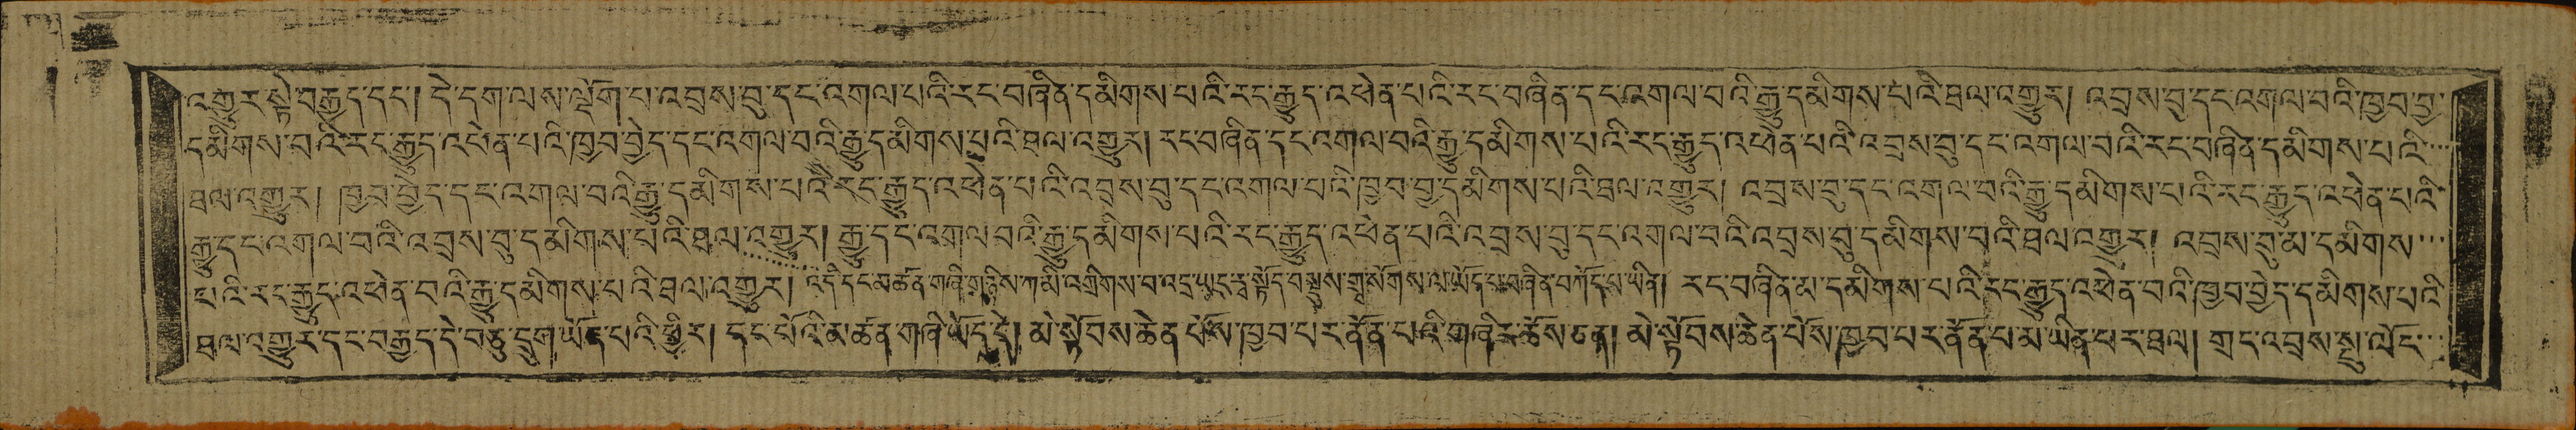འགྱུར་སྟེ་བརྒྱད་དང་། དེ་དག་ལས་ལྡོག་པ་འབྲས་བུ་དང་འགལ་པའི་རང་བཞིན་དམིགས་པའི་རང་རྒྱུད་འཕེན་པའི་རང་བཞིན་དང་འགལ་བའི་རྒྱུ་དམིགས་པའི་ཐལ་འགྱུར། འབྲས་བུ་དང་འགལ་བའི་ཁྱབ་བྱ་
དམིགས་པའི་རང་རྒྱུད་འཕེན་པའི་ཁྱབ་བྱེད་དང་འགལ་བའི་རྒྱུ་དམིགས་པའི་ཐལ་འགྱུར། རང་བཞིན་དང་འགལ་བའི་རྒྱུ་དམིགས་པའི་རང་རྒྱུད་འཕེན་པའི་འབྲས་བུ་དང་འགལ་བའི་རང་བཞིན་དམིགས་པའི་
ཐལ་འགྱུར། ཁྱབ་བྱེད་དང་འགལ་བའི་རྒྱུ་དམིགས་པའི་རང་རྒྱུད་འཕེན་པའི་འབྲས་བུ་དང་འགལ་བའི་ཁྱབ་བྱ་དམིགས་པའི་ཐལ་འགྱུར། འབྲས་བུ་དང་འགལ་བའི་རྒྱུ་དམིགས་པའི་རང་རྒྱུད་འཕེན་པའི་
རྒྱུ་དང་འགལ་བའི་འབྲས་བུ་དམིགས་པའི་ཐལ་འགྱུར། འདི་དང་མཚན་གཞི་གཉིས་ཀ་མི་འགྲིགས་བ་འདྲ་ཡང་རྭ་སྟོད་བསྡུས་གྲྭ་སོགས་ལ་ཡོད་པ་བཞིན་བཀོད་པ་ཡིན། རྒྱུ་དང་འགལ་བའི་རྒྱུ་དམིགས་པའི་རང་རྒྱུད་འཕེན་པའི་འབྲས་བུ་དང་འགལ་བའི་འབྲས་བུ་དམིགས་པའི་ཐལ་འགྱུར། འབྲས་བུ་མ་དམིགས་
པའི་རང་རྒྱུད་འཕེན་པའི་རྒྱུ་དམིགས་པའི་ཐལ་འགྱུར། རང་བཞིན་མ་དམིགས་པའི་རང་རྒྱུད་འཕེན་པའི་ཁྱབ་བྱེད་དམིགས་པའི་
ཐལ་འགྱུར་དང་བརྒྱད་དེ་བཅུ་དྲུག་ཡོད་པའི་ཕྱིར། དང་པོའི་མཚན་གཞི་ཡོད་དེ། མེ་སྟོབས་ཆེན་པོས་ཁྱབ་པར་ནོན་པའི་གཞིར་ཆོས་ཅན། མེ་སྟོབས་ཆེན་པོས་ཁྱབ་པར་ནོན་པ་མ་ཡིན་པར་ཐལ། གྲང་འབྲས་སྤུ་ལོང་